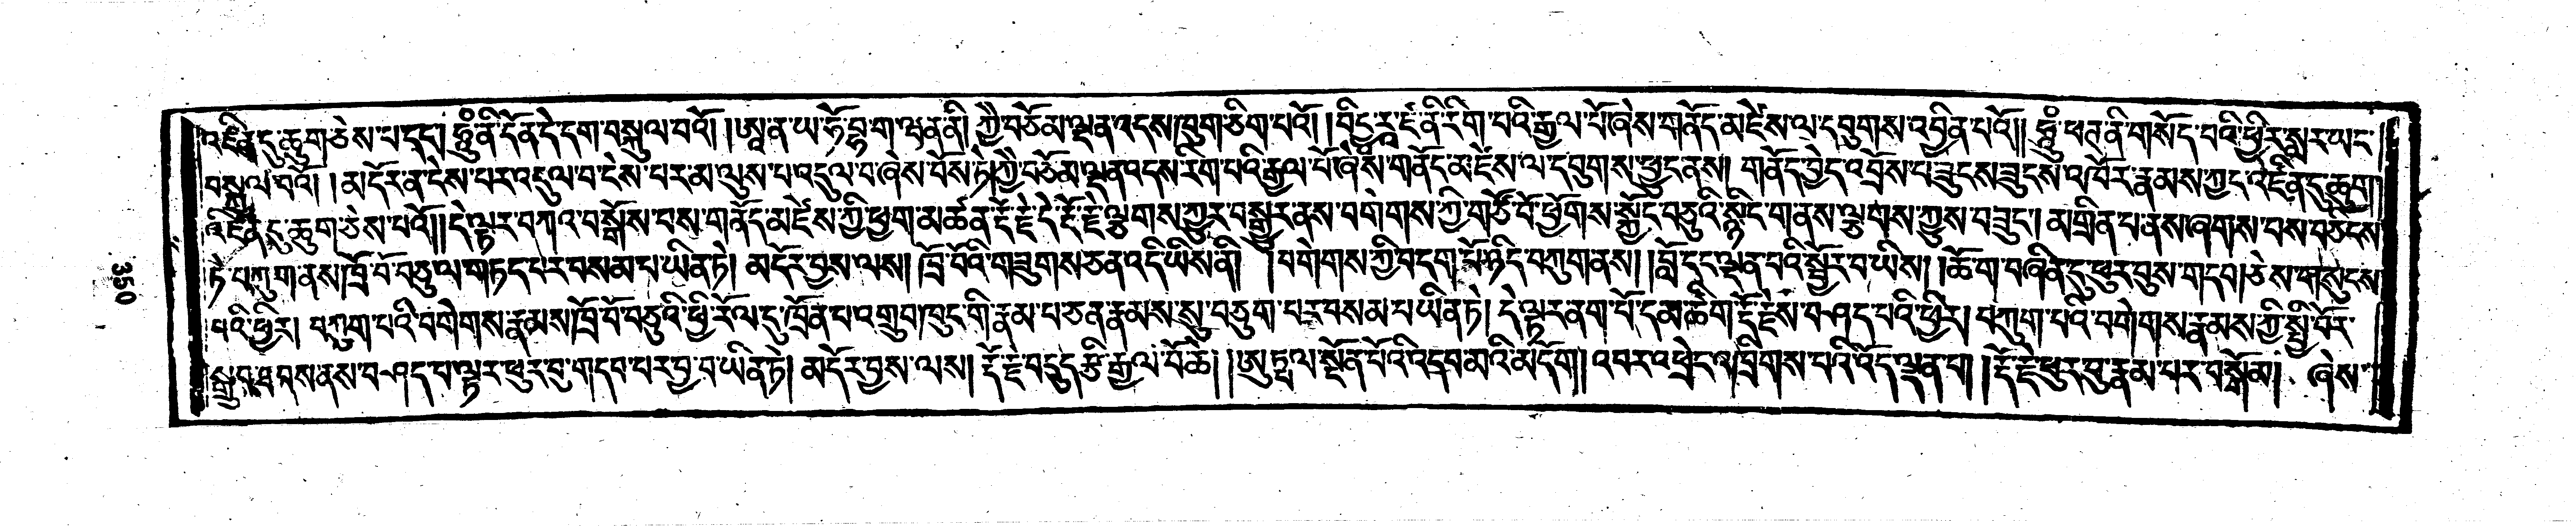འཛིན་དུ་ཆུ་གཅེས་པ་དང་། ཧཱུཾ་ནི་དོན་དེ་དག་བསྐུལ་བའོ། །ཨཱ་ན་ཡ་ཧོ་བྷ་ག་ཝན་ནི། ཀྱཻ་བཅོམ་ལྡན་འདས་ཁུག་ཅིག་པའོ། །བིདྱཱ་རཱ་ཛ་ནི་རིག་པའི་རྒྱལ་པོ་ཞེས་གནོད་མཛེས་ལ་དབུགས་འབྱིན་པའོ། །ཧཱུཾ་ཕཊ་ནི་གསོད་པའི་ཕྱིར་སླར་ཡང་
བསྐུལ་བའོ། །མདོར་ན་ངེས་པར་འདུལ་བ་ངེས་པར་མ་ལུས་པ་འདུལ་བ་ཞེས་བོས་ཏེ། ཀྱཻ་བཅོམ་ལྡན་འདས་རིག་པའི་རྒྱལ་པོ་ཞེས་གནོད་མཛེས་ལ་དབུགས་ཕྱུང་ནས། གནོད་བྱེད་འབྲོས་པ་ཟུངས་ཟུངས་འཁོར་རྣམས་ཀྱང་འཛིན་དུ་ཆུག་
འཛིན་དུ་ཆུག་ཅེས་པའོ། །དེ་ལྟར་བཀའ་བསྒོས་པས་གནོད་མཛེས་ཀྱི་ཕྱག་མཚན་རྡོ་རྗེ་དེ་རྡོ་རྗེ་ལྕགས་ཀྱུར་བསྒྱུར་ནས་བགེགས་ཀྱི་གཙོ་བོ་ཕྱོགས་སྐྱོང་བཅུའི་སྙིང་གནས་ལྕགས་ཀྱུས་བཟུང་། མགྲིན་པ་ནས་ཞགས་པས་བཅིངས་
ཏེ་བཀུག་ནས་ཁྲོ་བོ་བཅུ་ལ་གཏད་པར་བསམ་པ་ཡིན་ཏེ། མདོར་བྱས་ལས། ཁྲོ་བོའི་གཟུགས་ཅན་འདི་ཡིས་ནི། །བགེགས་ཀྱི་བདག་པོ་ཉིད་བཀུག་ནས། །བློ་དང་ལྡན་པའི་སྦྱོར་བ་ཡིས། །ཆོ་ག་བཞིན་དུ་ཕུར་བུས་གདབ། ཅེས་གསུངས་
པའི་ཕྱིར། བཀུག་པའི་བགེགས་རྣམས་ཁྲོ་བོ་བཅུའི་ཕྱི་རོལ་དུ་ཁྲོན་པ་འགྲུབ་ཁུང་གི་རྣམ་པ་ཅན་རྣམས་སུ་བཅུག་པར་བསམ་པ་ཡིན་ཏེ། དེ་ལྟར་ནག་པོ་དམ་ཚིག་རྡོ་རྗེས་བཤད་པའི་ཕྱིར། བཀུག་པའི་བགེགས་རྣམས་ཀྱི་སྤྱི་བོར་
སྒྲུབ་ཐབས་ནས་བཤད་པ་ལྟར་ཕུར་བུ་གདབ་པར་བྱ་བ་ཡིན་ཏེ། མདོར་བྱས་ལས། རྡོ་རྗེ་བདུད་རྩི་རྒྱལ་པོ་ཆེ། །ཨུཏྤལ་སྔོན་པོའི་འདབ་མའི་མདོག །འབར་འཕྲེང་འཁྲིགས་པའི་འོད་ལྡན་པ། །རྡོ་རྗེ་ཕུར་བུ་རྣམ་པར་བསྒོམ། ཞེས་